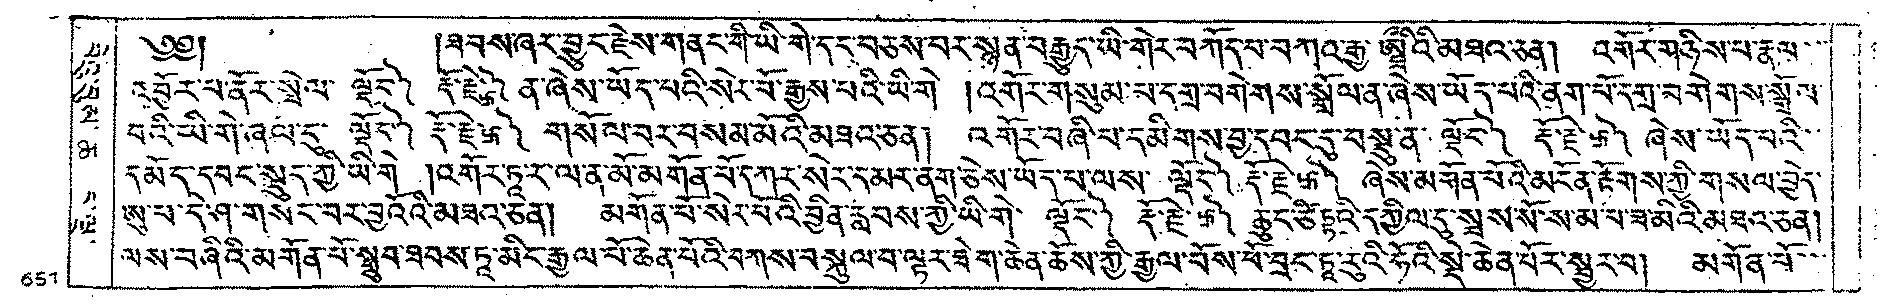༄༅། །ཐབས་ཞར་བྱུང་རྗེས་གནང་གི་ཡི་གེ་དང་བཅས་པར་སྙན་བརྒྱུད་ཡི་གེར་བཀོད་པ་བཀའ་རྒྱ་ཨྀཐིའི་མཐའ་ཅན། འགོར་གཉིས་པ་རྣལ་
འབྱོར་པ་ནོར་སྤེལ་ལྡོང྄་རྡོ་རྗེ་~྾?་ན་ཞེས་ཡོད་པའི་སེར་པོ་རྒྱས་པའི་ཡི་གེ། འགོར་གསུམ་པ་དགྲ་བགེགས་སྒྲོལ་ན་ཞེས་ཡོད་པའི་ནག་པོ་དགྲ་བགེགས་སྒྲོལ་
བའི་ཡི་གེ་ཞལ་དུ་ལྡོང྄་རྡོ་རྗེ་~྾?་གསོལ་བར་བསམ་མོའི་མཐའ་ཅན། འགོར་བཞི་པ་དམིགས་བྱ་དབང་དུ་བསྡུ་ན་ལྡོང྄་རྡོ་རྗེ་~྾?་ཞེས་ཡོད་པའི་
དམོད་དབང་སྡུད་ཀྱི་ཡི་གེ །འགོར་ཏཱ་ར་ལ་ན་མོ་མགོན་པོ་དཀར་སེར་དམར་ནག་ཅེས་ཡོད་པ་ལས་ལྡོང྄་རྡོ་རྗེ་~྾?་ཞེས་མགོན་པོའི་མངོན་རྟོགས་ཀྱི་གསལ་བྱེད་
ཨུ་པ་དེ་ཤ་གསང་བར་བྱའོའི་མཐའ་ཅན། མགོན་པོ་སེར་པོའི་བྱིན་རླབས་ཀྱི་ཡི་གེ་ལྡོང྄་རྡོ་རྗེ་~྾?་ཆུང་ཙིཏྟའི་དཀྱིལ་དུ་སྦས་སོ་ས་མ་པ་ཐ་མིའི་མཐའ་ཅན།
ལས་བཞིའི་མགོན་པོ་སྒྲུབ་ཐབས་ཏཱ་མིང་རྒྱལ་པོ་ཆེན་པོའི་བཀས་བསྐུལ་བ་ལྟར་ཐེག་ཆེན་ཆོས་ཀྱི་རྒྱལ་པོས་ཕོ་བྲང་ཏཱ་རུའི་ཧོའི་སྡེ་ཆེན་པོར་སྦྱར་བ། མགོན་པོ་